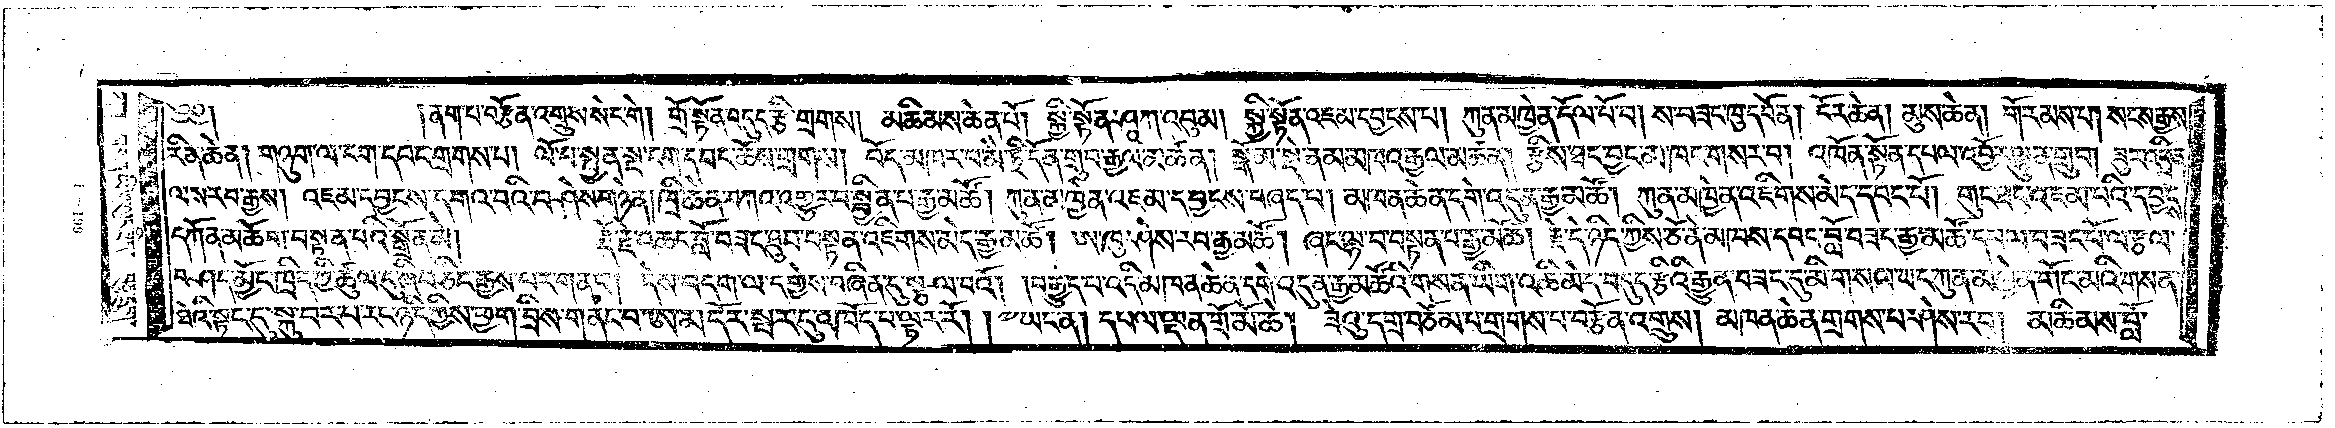༄༅། །ནག་པ་བརྩོན་འགྲུས་སེང་གེ། གྲོ་སྟོན་བདུད་རྩི་གྲགས། མཆིམས་ཆེན་པོ། སྐྱི་སྟོན་ཤཱཀ་འབུམ། སྐྱི་སྟོན་འཇམ་དབྱངས་པ། ཀུན་མཁྱེན་དོལ་པོ་བ། ས་བཟང་ཁུ་དབོན། ངོར་ཆེན། མུས་ཆེན། གོ་རམས་པ། སངས་རྒྱས་
རིན་ཆེན། གཉུག་ལ་ངག་དབང་གྲགས་པ། ལོ་པ་སྤྱན་སྔ་ངག་དབང་ཆོས་གྲགས། བོད་མཁར་པ་མཻ་ཏྲི་དོན་གྲུབ་རྒྱལ་མཚན། སྒོམ་སྡེ་ནམ་མཁའ་རྒྱལ་མཚན། རྩིས་ཐང་བྱང་མཁང་གསར་བ། འཁོན་སྟོན་དཔལ་འབྱོར་ལྷུན་གྲུབ། ཟུར་འཕྲིན་
ལས་རབ་རྒྱས། འཇམ་དབྱངས་དགའ་བའི་བཤེས་གཉེན། ཁྲི་ཆེན་བཀའ་འགྱུར་བ་སྦྱིན་པ་རྒྱ་མཚོ། ཀུན་མཁྱེན་འཇམ་དབྱངས་བཞད་པ། མཁན་ཆེན་དགེ་འདུན་རྒྱ་མཚོ། ཀུན་མཁྱེན་འཇིགས་མེད་དབང་པོ། གུང་ཐང་འཇམ་པའི་དབྱངས་
དཀོན་མཆོག་བསྟན་པའི་སྒྲོན་མེ། རྡོ་རྗེ་འཆང་བློ་བཟང་ཐུབ་བསྟན་འཇིགས་མེད་རྒྱ་མཚོ། ཨ་ཁུ་ཤེས་རབ་རྒྱ་མཚོ། ཞང་ལྷ་བ་བསྟན་པ་རྒྱ་མཚོ། རྗེ་དེ་ཉིད་ཀྱིས་ཅོ་ནེ་མཁས་དབང་བློ་བཟང་རྒྱ་མཚོ་དཔལ་བཟང་པོ་ལ་རྩལ་
བཤད་མྱོང་ཁྲིད་ཀྱི་ཚུལ་དུ་ཞིབ་ཅིང་རྒྱས་པར་གནང་། དེས་བདག་ལ་དགྱེས་བཞིན་དུ་སྩལ་བའོ། །བརྒྱུད་པ་འདི་མཁན་ཆེན་དགེ་འདུན་རྒྱ་མཚོའི་གསན་ཡིག་འཆི་མེད་བདུད་རྩིའི་རྒྱུན་བཟང་དུ་མི་གསལ་ཡང་ཀུན་མཁྱེན་གོང་མའི་གསན་
ཐེའི་སྟང་དུ་སྐུ་བར་པ་རང་ཉིད་ཀྱིས་ཕྱག་བྲིས་གནང་བ་ཨ་མདོར་སྤར་དུ་འཁོད་པ་ལྟར་རོ། །༧་ཡང་ན། དཔལ་ལྡན་གྲོ་མོ་ཆེ། ཟེའུ་དགྲ་བཅོམ་པ་གྲགས་པ་བརྩོན་འགྲུས། མཁན་ཆེན་གྲགས་པར་ཤེས་རབ། མཚིམས་བློ་